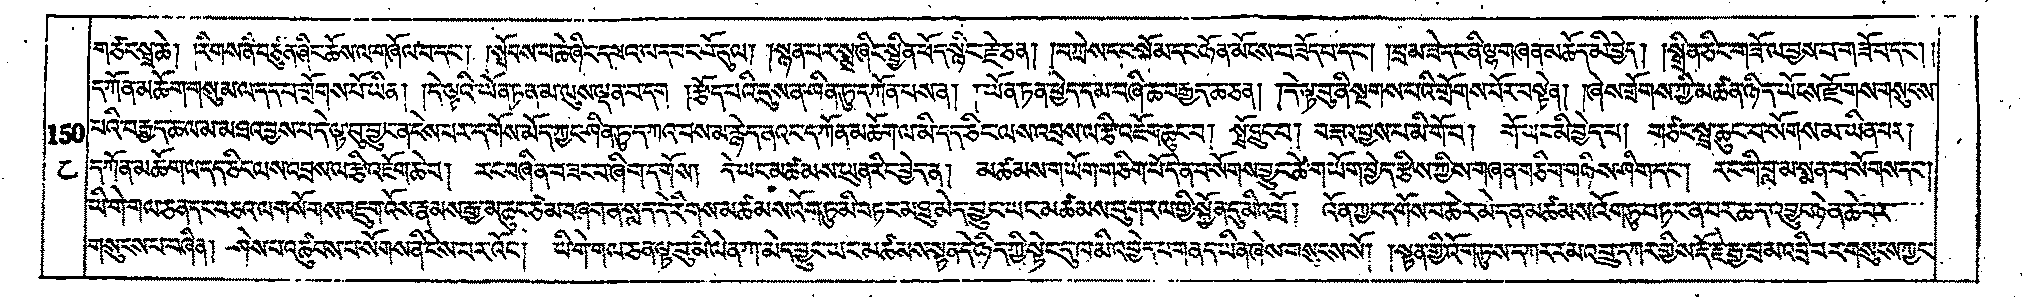གཙང་སྦྲ་ཆེ། །རིགས་ནི་བཙུན་ཞིང་ཆོས་ལ་གཞོལ་བ་དང་། །སྦོབས་པ་ཆེ་ཞིང་དཔའ་ལ་དབང་པོ་དུལ། །སྙན་པར་སྨྲ་ཞིང་སྦྱིན་ཕོད་སྙིང་རྗེ་ཅན། །བཀྲེས་དང་སྐོམ་དང་ཉོན་མོངས་བཟོད་པ་དང་། །བྲམ་ཟེ་དང་ནི་ལྷ་གཞན་མཆོད་མི་བྱེད། །སྒྲིན་ཅིང་གཟོ་ལ་བྱས་པ་གཟོ་བ་དང་། །
དཀོན་མཆོག་གསུམ་ལ་དད་པ་གྲོགས་པོ་ཡིན། །དེ་ལྟའི་ཡོན་ཏན་མ་ལུས་ལྡན་པ་དག །རྩོད་པའི་དུས་ན་ཤིན་ཏུ་དཀོན་པས་ན། །ཡོན་ཏན་ཕྱེད་དམ་བཞི་ཆ་བརྒྱད་ཆ་ཅན། །དེ་ལྟ་བུ་ནི་སྔགས་པའི་གྲོགས་པོར་བསྟེན། །ཞེས་གྲོགས་ཀྱི་མཚན་ཉིད་ཡོངས་རྫོགས་གསུངས་
པའི་བརྒྱད་ཆ་ལ་མ་མཐའ་བྱས་པ་དེ་ལྟ་བུ་བྱུང་ན་ངེས་པར་དགོས་མོད་ཀྱང་ཤིན་ཏུ་དཀའ་བས་མ་རྙེད་ནའང་དཀོན་མཆོག་ལ་མི་དད་ཅིང་ལས་འབྲས་ལ་རྩི་འཇོག་ཆུང་བ། སྤྲོ་ཐུང་བ། བརྡའ་བྱས་པ་མི་གོ་བ། གོ་ཡང་མི་བྱེད་པ། གཙང་སྦྲ་ཆུང་བ་སོགས་མ་ཡིན་པར།
དཀོན་མཆོག་ལ་དད་ཅིང་ལས་འབྲས་ལ་རྩི་འཇོག་ཆེ་བ། རང་བཞིན་བཟང་བ་ཞིག་དགོས། དེ་ཡང་མཚམས་ཡུན་རིང་བྱེད་ན། མཚམས་གཡོག་གཅིག་པོ་དེ་ན་བ་སོགས་བྱུང་ཚེ་གཡོག་བྱེད་རྩིས་ཀྱིས་གཞན་གཅིག་གཉིས་ཤིག་དང་། རང་གི་བླ་མ་སྨན་པ་སོགས་དང་།
ཡི་གེ་གལ་ཅན་དང་བཅའ་ལག་སོགས་འཇུག་འོས་རྣམས་རྒྱ་མ་ཆུང་ཙམ་བཞག་ན་སླད་དེ་རིགས་མཚམས་འོག་ཏུ་མི་བཏང་མཐུ་མེད་བྱུང་ཡང་མཚམས་བུག་རལ་གྱི་སྐྱོན་དུ་མི་འགྲོ། འོན་ཀྱང་དགོས་པ་ཆེར་མེད་ན་མཚམས་འོག་ཏུ་བཏང་ན་བར་ཆད་འབྱུང་ཉེན་ཆེ་བར་་་
གསུངས་པ་བཞིན། ཤེས་པ་འཚུབས་པ་སོགས་ནི་ངེས་པར་འོང་། ཡི་གེ་གལ་ཅན་ལྟ་བུ་མི་ལེན་ཀ་མེད་བྱུང་ཡང་མཚམས་སྟན་དེ་ཉིད་ཀྱི་སྟེང་དུ་ཁ་མི་འབྱེད་པ་གནད་ཡིན་ཞེས་གསུངས་སོ། །སྟན་གྱི་འོག་ཏུ་ས་དཀར་རམ་འབྲུ་དཀར་གྱིས་རྡོ་རྗེ་རྒྱ་གྲམ་འབྲི་བར་གསུངས་ཀྱང་